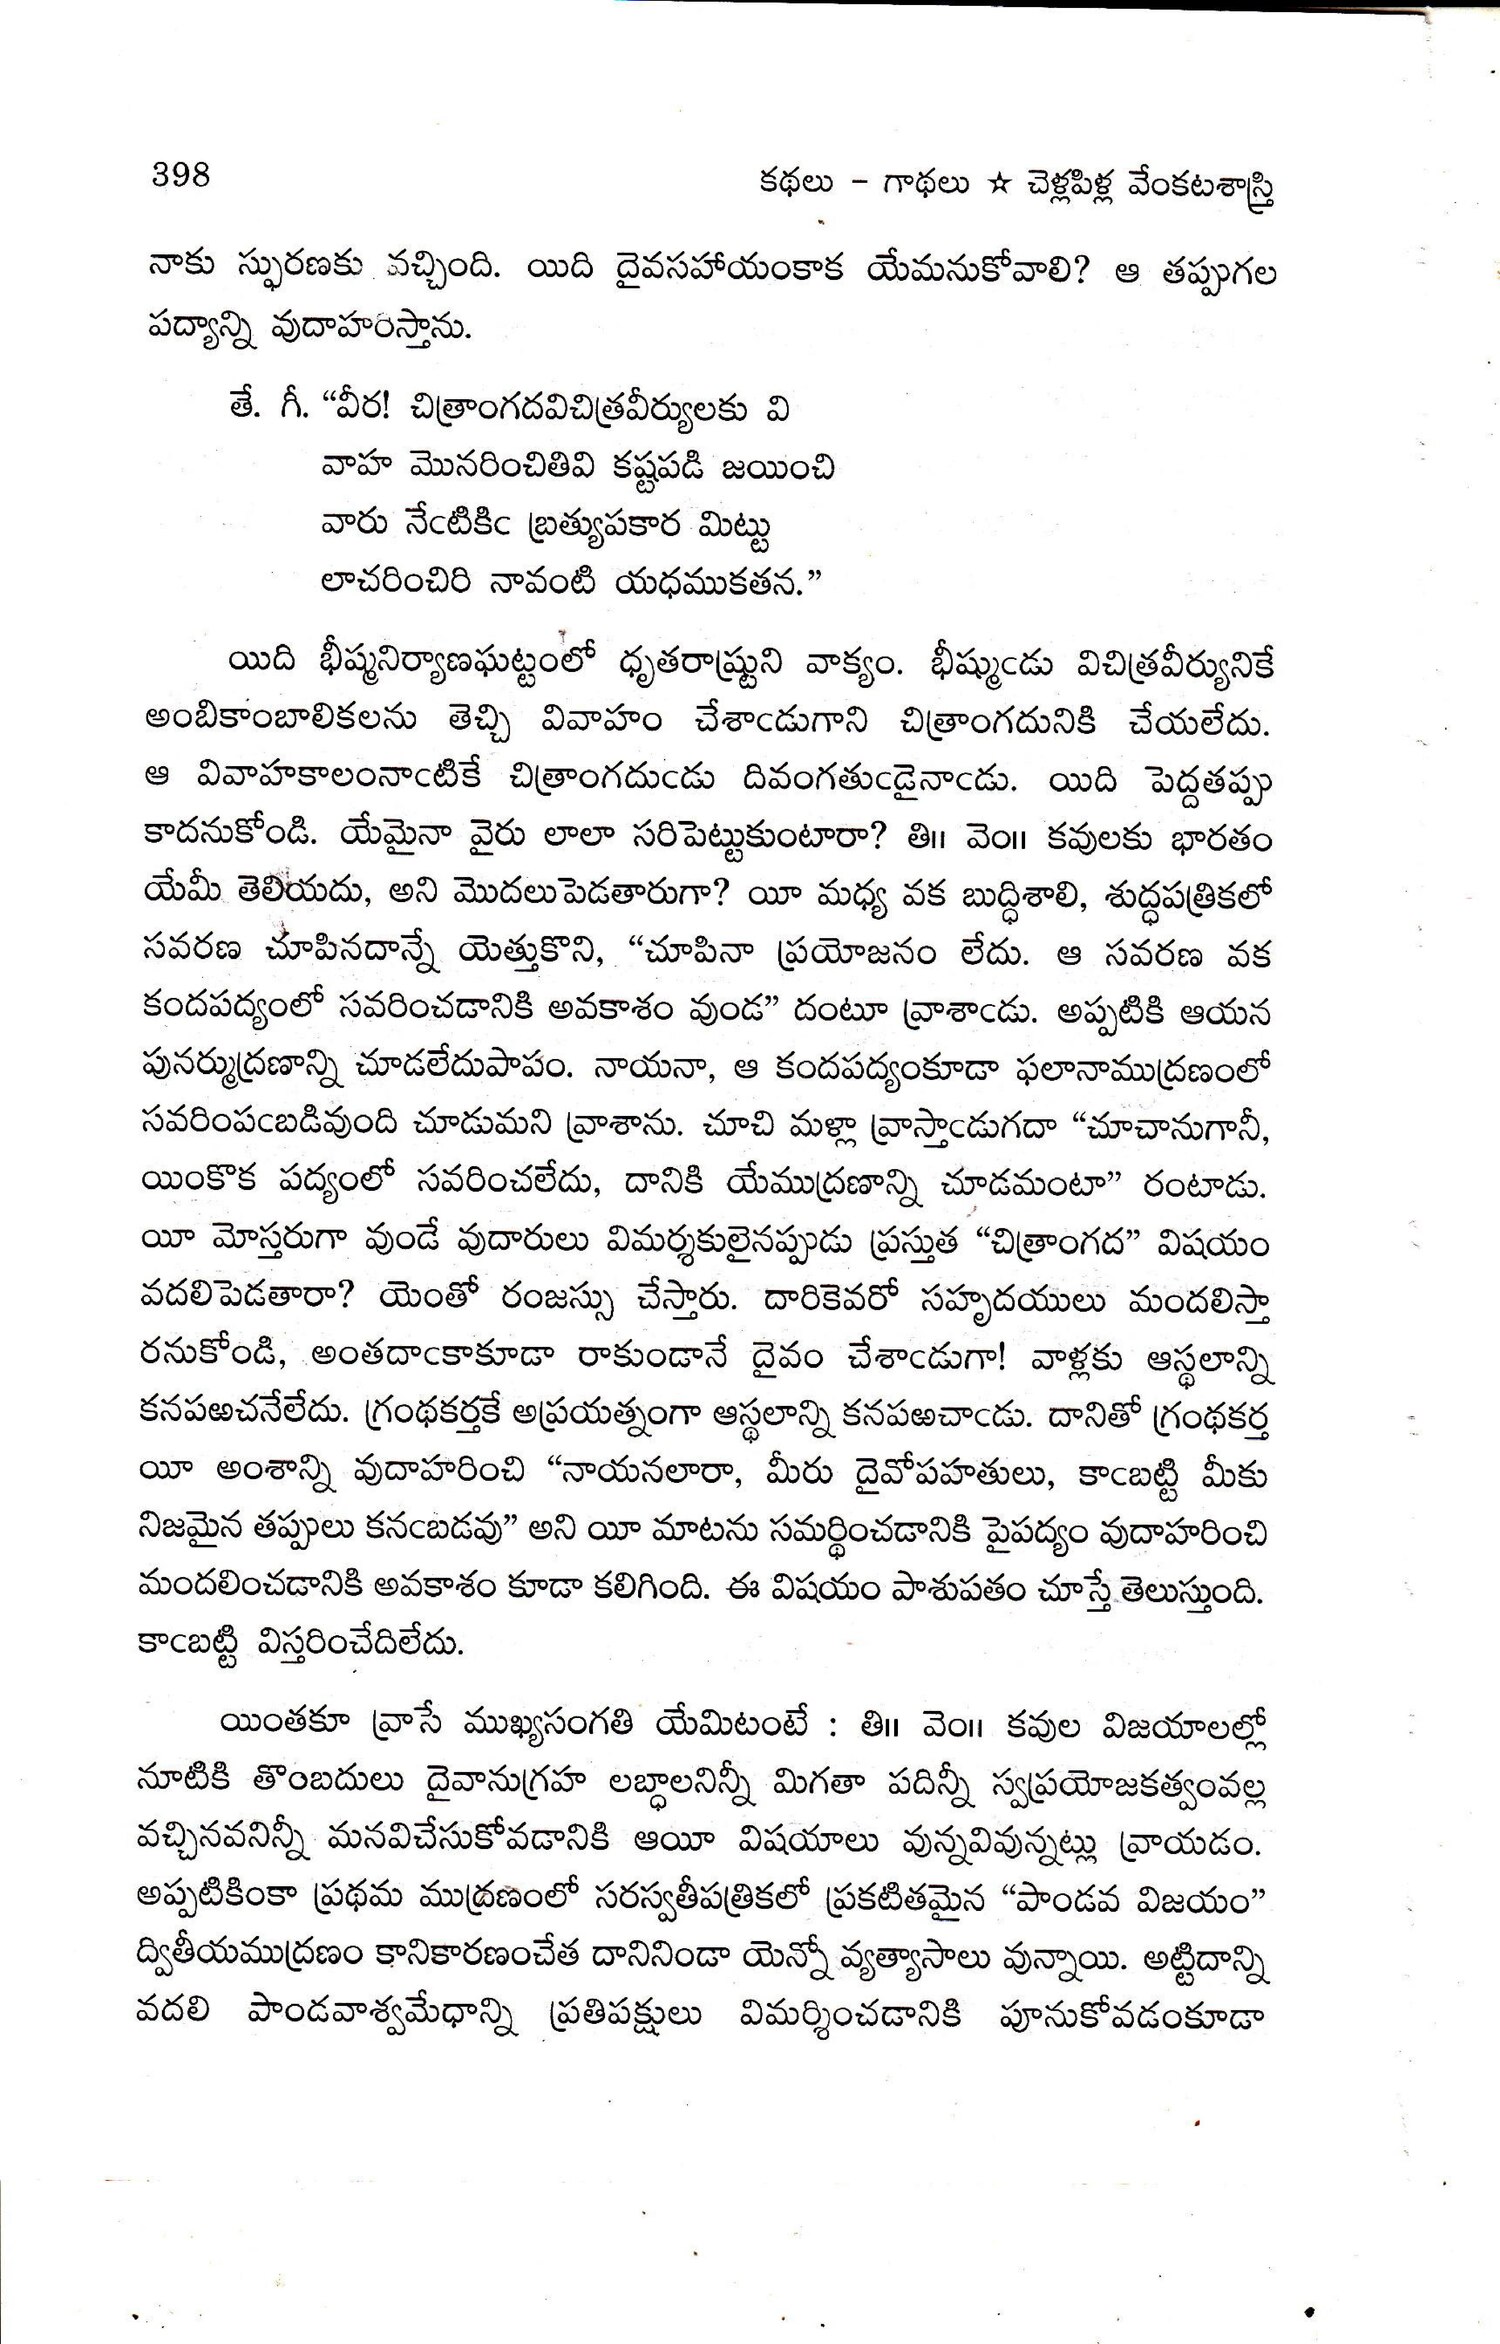నాకు స్ఫురణకు వచ్చింది. యిది దైవసహాయంకాక యేమనుకోవాలి? ఆ తప్పుగల పద్యాన్ని వుదాహరిస్తాను.

తే. గీ. “వీర! చిత్రాంగదవిచిత్రవీర్యులకు వి
 వాహ మొనరించితివి కష్టపడి జయించి 
 వారు నేఁటికిఁ బ్రత్యుపకార మిట్టు 
 లాచరించిరి నావంటి యధముకతన.”
యిది భీష్మనిర్యాణఘట్టంలో ధృతరాష్ట్రుని వాక్యం. భీష్ముఁడు విచిత్రవీర్యునికే అంబికాంబాలికలను తెచ్చి వివాహం చేశాఁడుగాని చిత్రాంగదునికి చేయలేదు. ఆ వివాహకాలంనాఁటికే చిత్రాంగదుఁడు దివంగతుఁడైనాఁడు. యిది పెద్దతప్పు కాదనుకోండి. యేమైనా వైరు లాలా సరిపెట్టుకుంటారా? తి|| వెం|| కవులకు భారతం యేమీ తెలియదు, అని మొదలుపెడతారుగా? యీ మధ్య వక బుద్ధిశాలి, శుద్ధపత్రికలో సవరణ చూపినదాన్నే యెత్తుకొని, “చూపినా ప్రయోజనం లేదు. ఆ సవరణ వక కందపద్యంలో సవరించడానికి అవకాశం వుండ" దంటూ వ్రాశాఁడు. అప్పటికి ఆయన పునర్ముద్రణాన్ని చూడలేదుపాపం. నాయనా, ఆ కందపద్యంకూడా ఫలానాముద్రణంలో సవరింపcబడివుంది చూడుమని వ్రాశాను. చూచి మళ్లా వ్రాస్తాఁడుగదా “చూచానుగానీ, యింకొక పద్యంలో సవరించలేదు, దానికి యేముద్రణాన్ని చూడమంటా” రంటాడు. యీ మోస్తరుగా వుండే వుదారులు విమర్శకులైనప్పుడు ప్రస్తుత "చిత్రాంగద" విషయం వదలిపెడతారా? యెంతో రంజస్సు చేస్తారు. దారికెవరో సహృదయులు మందలిస్తా రనుకోండి, అంతదాఁకాకూడా రాకుండానే దైవం చేశాఁడుగా! వాళ్లకు ఆస్థలాన్ని కనపఱచనేలేదు. గ్రంథకర్తకే అప్రయత్నంగా ఆస్థలాన్ని కనపఱచాఁడు. దానితో గ్రంథకర్త యీ అంశాన్ని వుదాహరించి “నాయనలారా, మీరు దైవోపహతులు, కాఁబట్టి మీకు నిజమైన తప్పులు కనcబడవు" అని యీ మాటను సమర్ధించడానికి పైపద్యం వుదాహరించి మందలించడానికి అవకాశం కూడా కలిగింది. ఈ విషయం పాశుపతం చూస్తే తెలుస్తుంది. కాcబట్టి విస్తరించేదిలేదు.

యింతకూ వ్రాసే ముఖ్యసంగతి యేమిటంటే : తి|| వెం|| కవుల విజయాలల్లో నూటికి తొంబదులు దైవానుగ్రహ లబ్దాలనిన్నీ మిగతా పదిన్నీ స్వప్రయోజకత్వంవల్ల వచ్చినవనిన్నీ మనవిచేసుకోవడానికి ఆయీ విషయాలు వున్నవివున్నట్లు వ్రాయడం. అప్పటికింకా ప్రథమ ముద్రణంలో సరస్వతీపత్రికలో ప్రకటితమైన “పాండవ విజయం” ద్వితీయముద్రణం కానికారణంచేత దానినిండా యెన్నో వ్యత్యాసాలు వున్నాయి. అట్టిదాన్ని వదలి పాండవాశ్వమేధాన్ని ప్రతిపక్షులు విమర్శించడానికి పూనుకోవడంకూడా